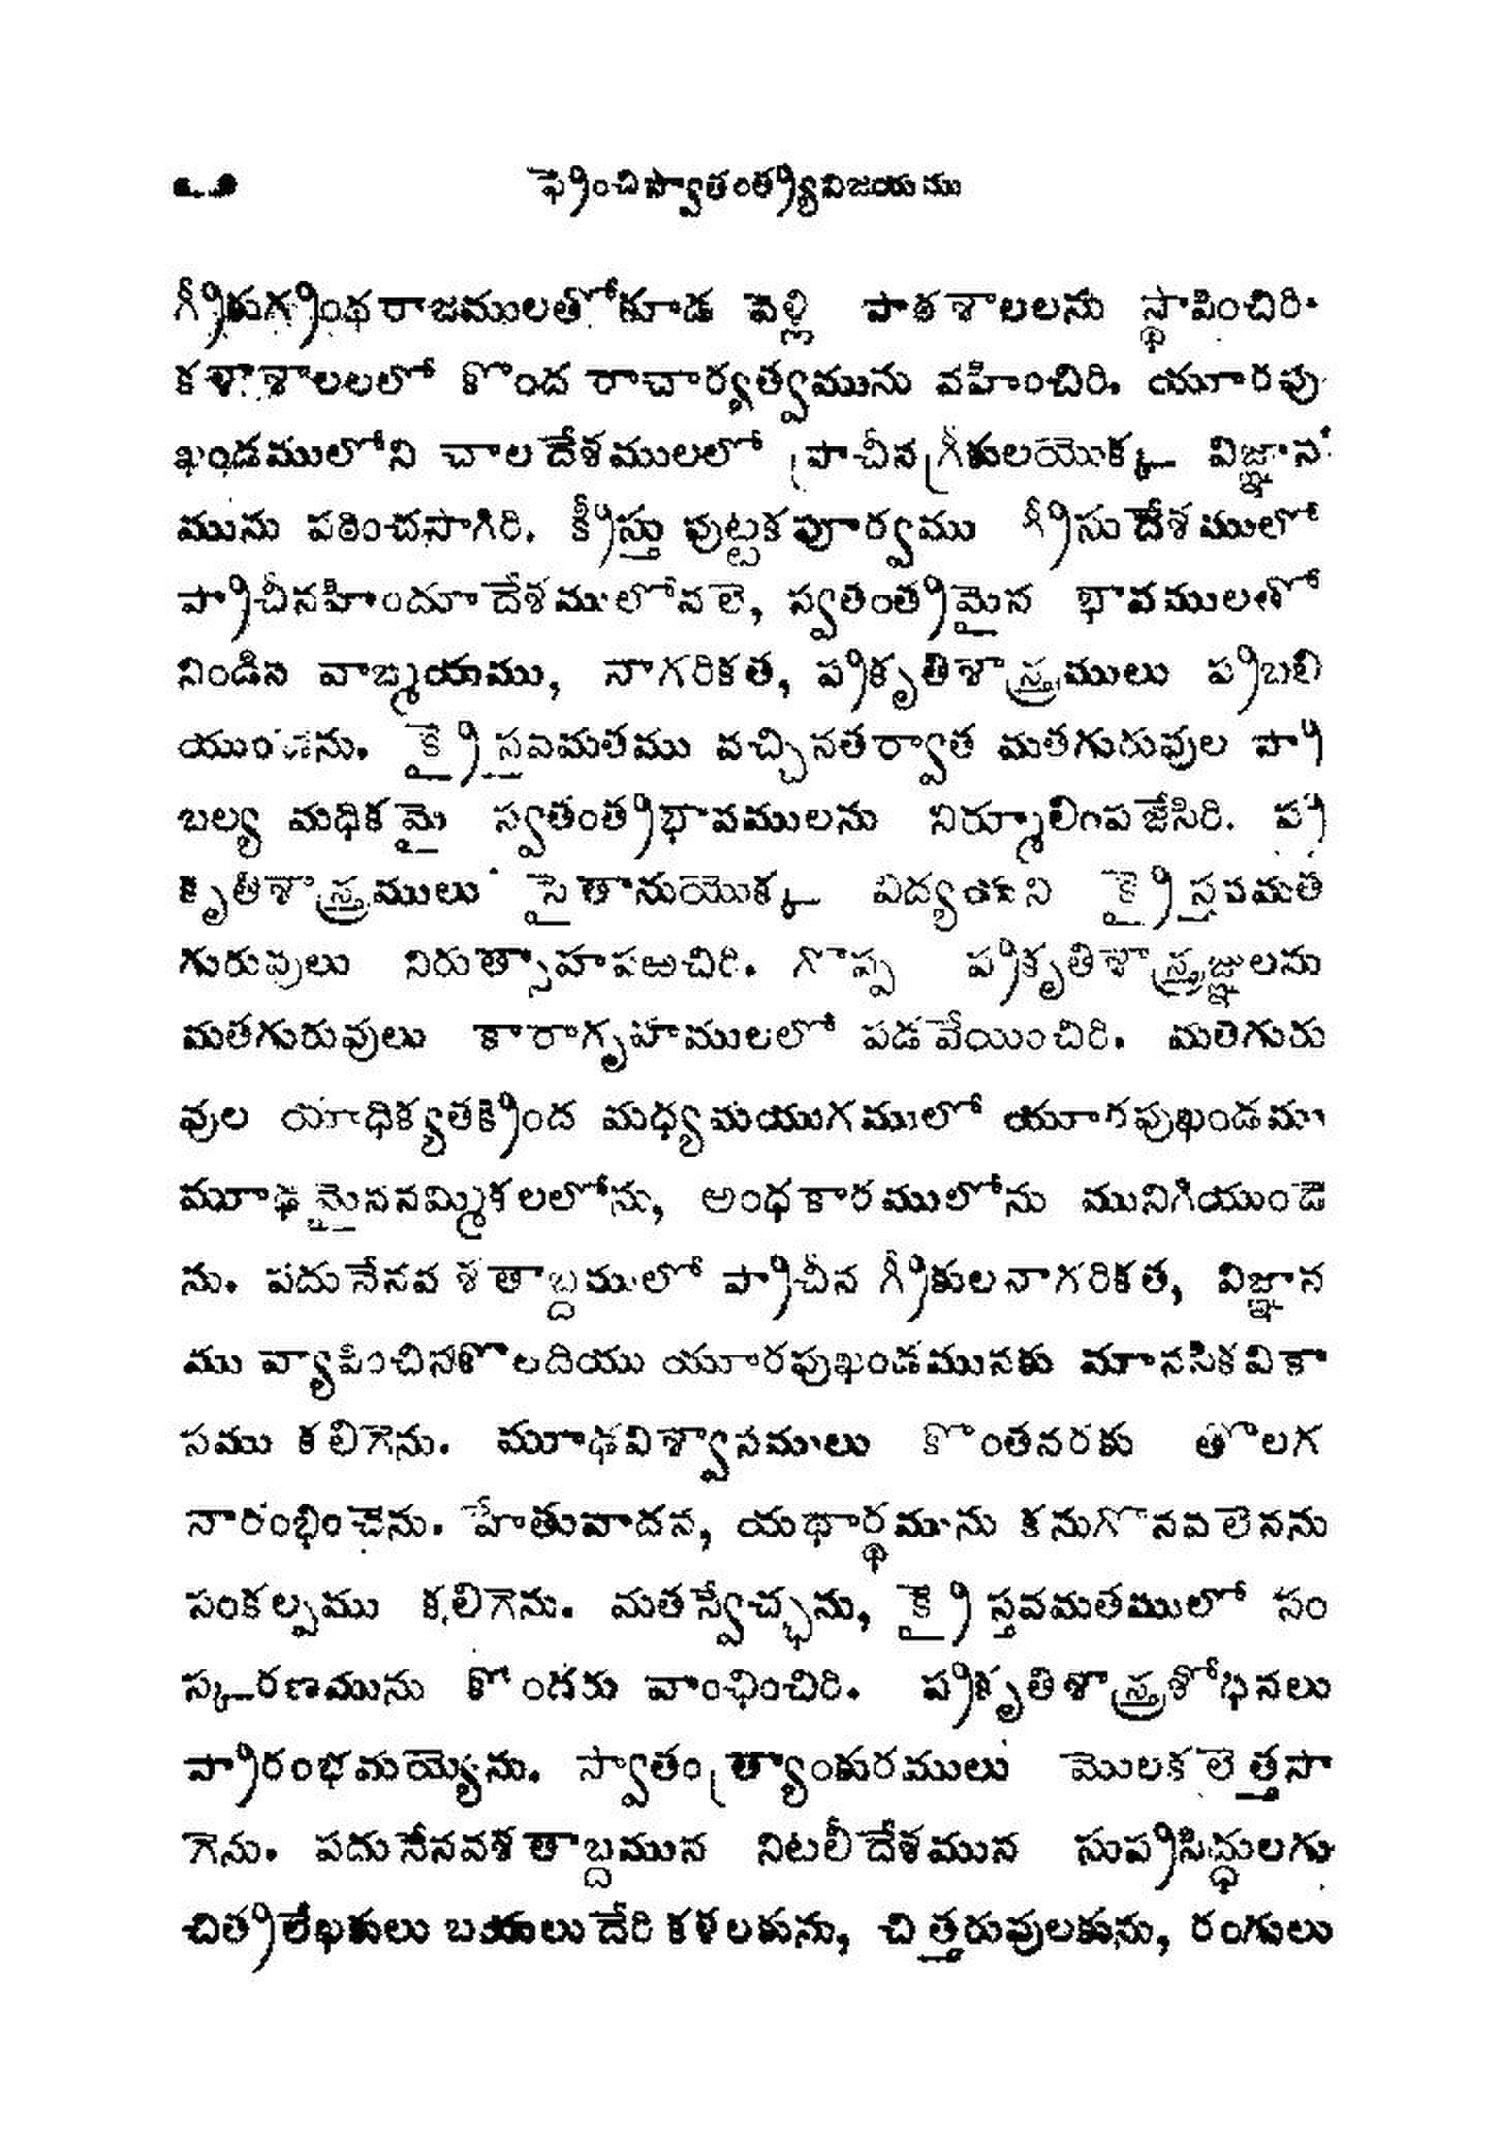గ్రీకుగ్రంధ రాజములతో కూడ వెళ్లి పాఠశాలలను స్థాపించిరి.
కళాశాలలలో కొంద రాచార్యత్వమును వహించిరి, యూరపు
ఖండములోని చాల దేశములలో ప్రాచీన గ్రీకుల యొక్క విజ్ఞాన
ముసు పఠించసాగిరి. క్రీస్తు పుట్టక పూర్వము గ్రీసు దేశములో
ప్రాచీన హిందూ దేశము లోవలె, స్వతంత్ర మైన భావములలో
నిండిన వాజ్మయము, నాగరికత, ప్రకృతి శాస్త్రములు 
ప్రబలి యుండెను, క్రస్తవమతము వచ్చినతర్వాత మతగురువుల 
ప్రాబల్య మధిక మై స్వతంత్ర భాపములను నిర్మూలింప జేసిరి. 
ప్రకృతిశాస్త్రములు సైతానుయొక్క విద్యయని క్రైస్తవమత
గురువులు నిరుత్సాహపరచిరి. గొప్ప ప్రకృతి శాస్త్రజ్ఞులను
మతగురువులు కారాగృహములలో పడ వేయించిరి. మతగురు
వుల ఆధిక్యతకింద మధ్య మయుగములో యూరపుఖండము
మూఢ మైన నమ్మికలలోను, అంధ కారములోను మునిగియుండె
ను. పదు నేనవ శతాబ్దములో ప్రాచీన గ్రీకుల నాగరికత, విజ్ఞాన
ము వ్యాపించిన కొలదీయు యూరఫుఖండమునకు మానసిక వికా
సము కలిగెను. మూఢవిశ్వాసములు కొంతవరకు తొలగ
నారంభించెను. హేతువాదన, యథార్థమును కనుగొనవలెనను
సంకల్పము కలిగెను. మత స్వేచ్ఛను, క్రైస్తవమతములో సం
స్కరణమును కొందరు వాంఛించిరి. ప్రకృతి శాస్త్ర శోధనలు
ప్రారంభమయ్యెను. స్వాతం త్రాంకురములు మొలకలెత్తసా
గెను. పదు నేనవ శతాబ్దమున నిటలీ దేశమున సుప్రసిద్ధులగు
చిత్రలేఖకులు బయలు దేరి కళలకును, చిత్తరువులకును, రంగులు